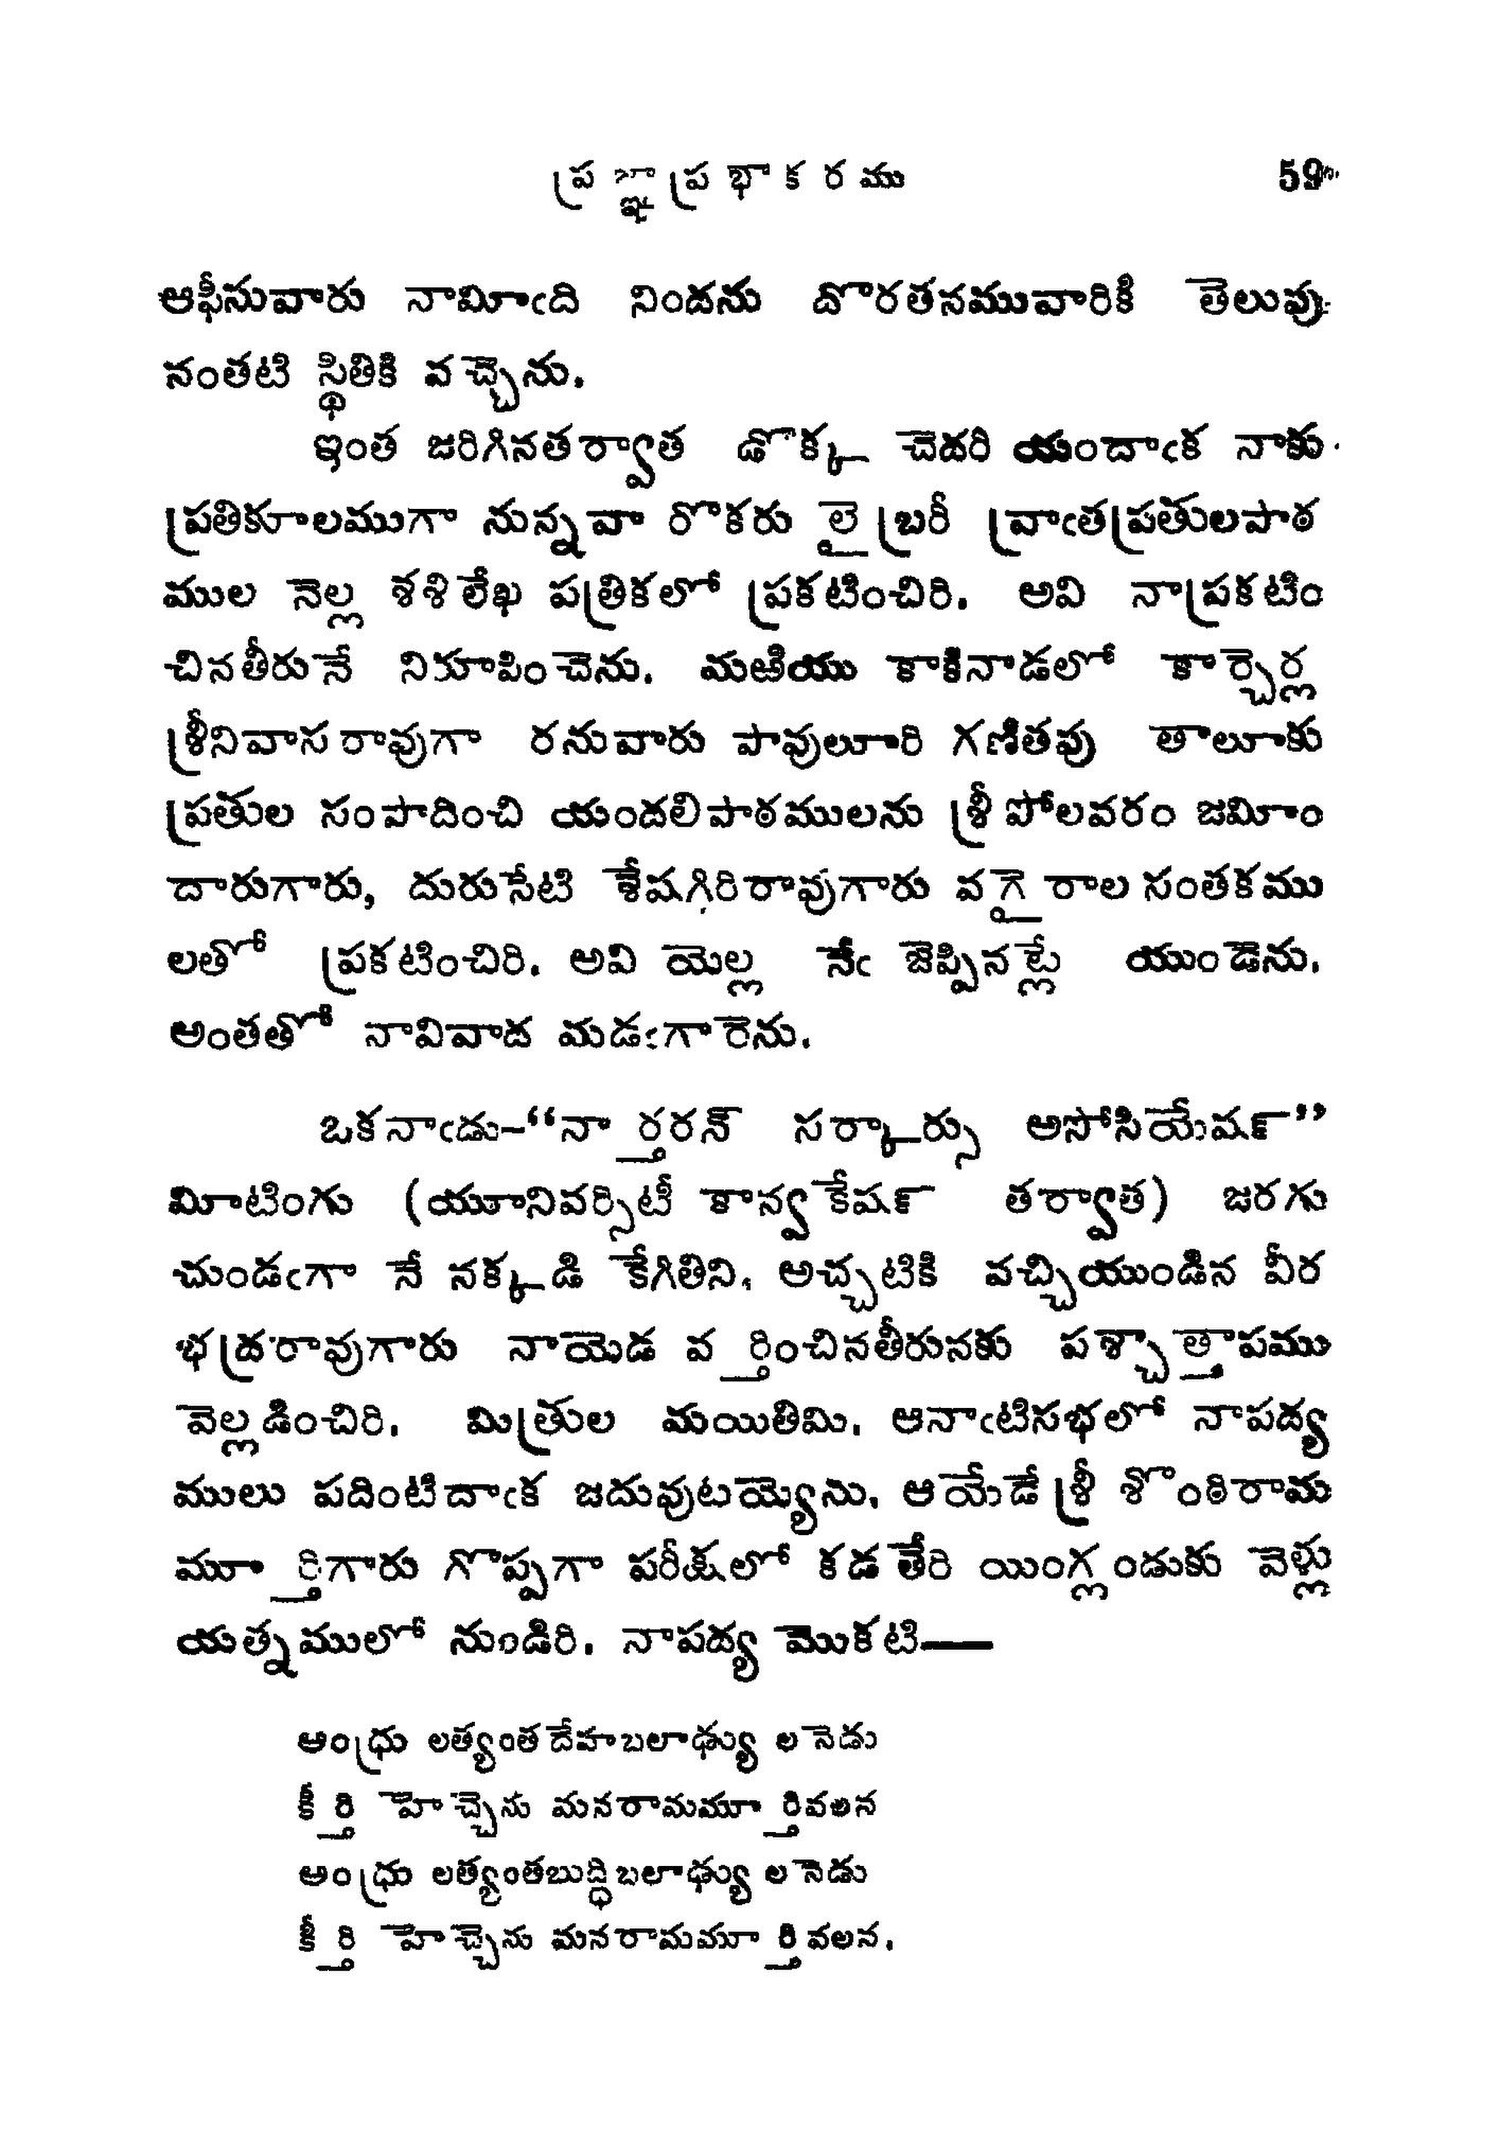ఆఫీసువారు నా మీది నిందును దొరతనము వారికీ తెలుపునంతటి స్థితికి వచ్చెను.
ఇంతజరిగిన తర్వాత డొక్కచెదిరి యందాక నాకు ప్రతికూలముగా నున్నవారొకరు లైబ్రరి వ్రాతప్రతులపాఠముల నెల్ల శసిరేఖ పత్రికలొ ప్రకటించిరి. అవి నాప్రకటించిన తీరునే నిరూపించెను. మఱియు కాకినాడలో కార్చెర్ల శ్రీనివాసరావు గా రనువారు పావులూరి గణితపు తాలూకు ప్రతుల సంపాదించి యందలి పాఠములను శ్రీ పోలవరం జమిం దారుగారు, దురిసేటి శేషగిరి రావుగారు వగైరాల సంతకములతో ప్రకటించిరి. అవి యెల్ల నేఁ జెప్పినట్లే యుండెను. అంతతో నా వివాద మడఁ గారెను.

ఒకనాఁడు-" నార్తరన్ సర్కార్సు అసోసియేష౯" మిటింగు (యునివర్సిటీ కాన్వ కేష ౯ తర్వాత )జరుగుచుండఁ గా నే నక్కడి కేగితిని. అచ్చటికి వచ్చియుండిన వీరభద్రరావుగారు నాయెడ వర్తించిన తీరునకు పశ్చాత్తాపము వెల్లడించిరి. మిత్రుల మయితిమి. ఆనాఁ టి సభలో మా పద్యములు పదింటిదాఁ క జదువుటయ్యెను. ఆ యేడే శ్రీ శొంఠి రామమూర్తిగారు గొప్పగా పరీక్షలో కడతేరి యింగ్లండుకు వెళ్ళు యత్నములో నుండిరి. నా పద్య మొకటి-

ఆంధ్రు లత్యంత దేహబలాడ్యు ల నెడు
కీర్తి హెచ్చెను మన రామమూర్తి వలన 
ఆంధ్రు లత్యంత బుద్ధిబలాడ్యు ల నెడు
కీర్తి హెచ్చెను మన రామమూర్తి వలన.